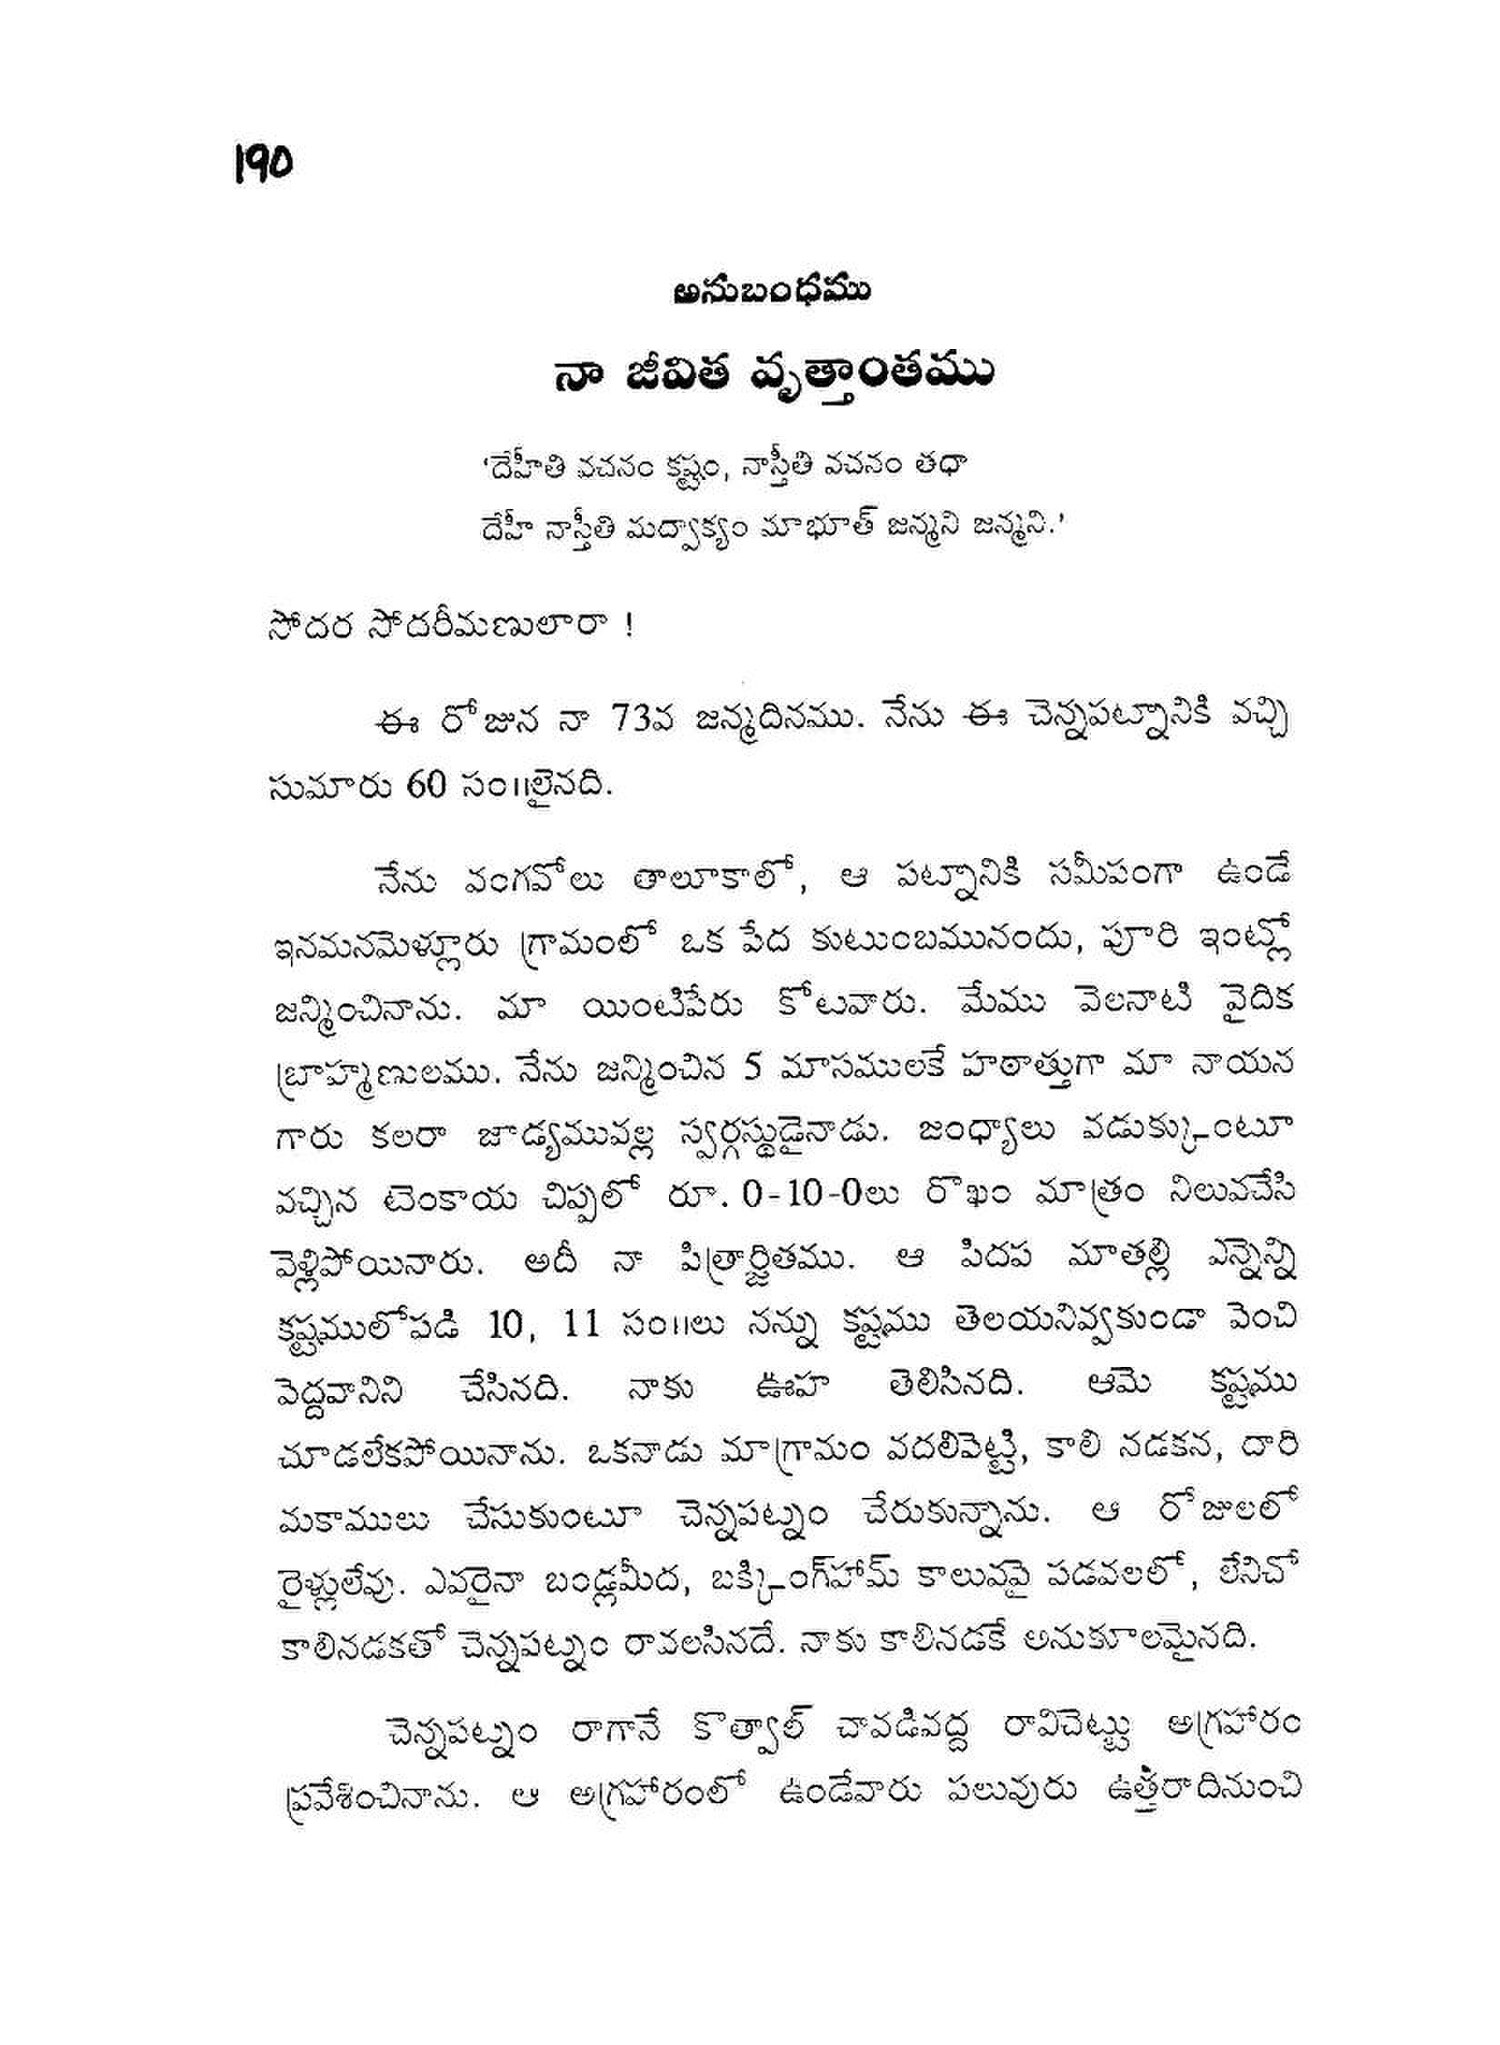సోదర సోదరీమణులారా !

ఈ రోజున నా 73వ జన్మదినము. నేను ఈ చెన్నపట్నానికి వచ్చి సుమారు 60 సం||లైనది.

నేను వంగవోలు తాలూకాలో, ఆ పట్నానికి సమీపంగా ఉండే ఇనమనమెళ్ళూరు గ్రామంలో ఒక పేద కుటుంబమునందు, పూరి ఇంట్లో జన్మించినాను. మా యింటిపేరు కోటవారు. మేము వెలనాటి వైదిక బ్రాహ్మణులము. నేను జన్మించిన 5 మాసములకే హఠాత్తుగా మా నాయన గారు కలరా జాడ్యమువల్ల స్వర్గస్థుడైనాడు. జంధ్యాలు వడుక్కుంటూ వచ్చిన టెంకాయ చిప్పలో రూ. 0-10-0లు రొఖం మాత్రం నిలువచేసి వెళ్లిపోయినారు. అదీ నా పిత్రార్జితము. ఆ పిదప మాతల్లి ఎన్నెన్ని కష్టములోపడి 10, 11 సం||లు నన్ను కష్టము తెలయనివ్వకుండా పెంచి పెద్దవానిని చేసినది. నాకు ఊహ తెలిసినది. ఆమె కష్టము చూడలేకపోయినాను. ఒకనాడు మాగ్రామం వదలివెట్టి, కాలి నడకన, దారి మకాములు చేసుకుంటూ చెన్నపట్నం చేరుకున్నాను. ఆ రోజులలో రైళ్ళులేవు. ఎవరైనా బండ్లమీద, బక్కింగ్ హామ్ కాలువపై పడవలలో, లేనిచో కాలినడకతో చెన్నపట్నం రావలసినదే. నాకు కాలినడకే అనుకూలమైనది.

చెన్నపట్నం రాగానే కొత్వాల్ చావడివద్ద రావిచెట్టు అగ్రహారం ప్రవేశించినాను. ఆ అగ్రహారంలో ఉండేవారు పలువురు ఉత్తరాదినుంచి